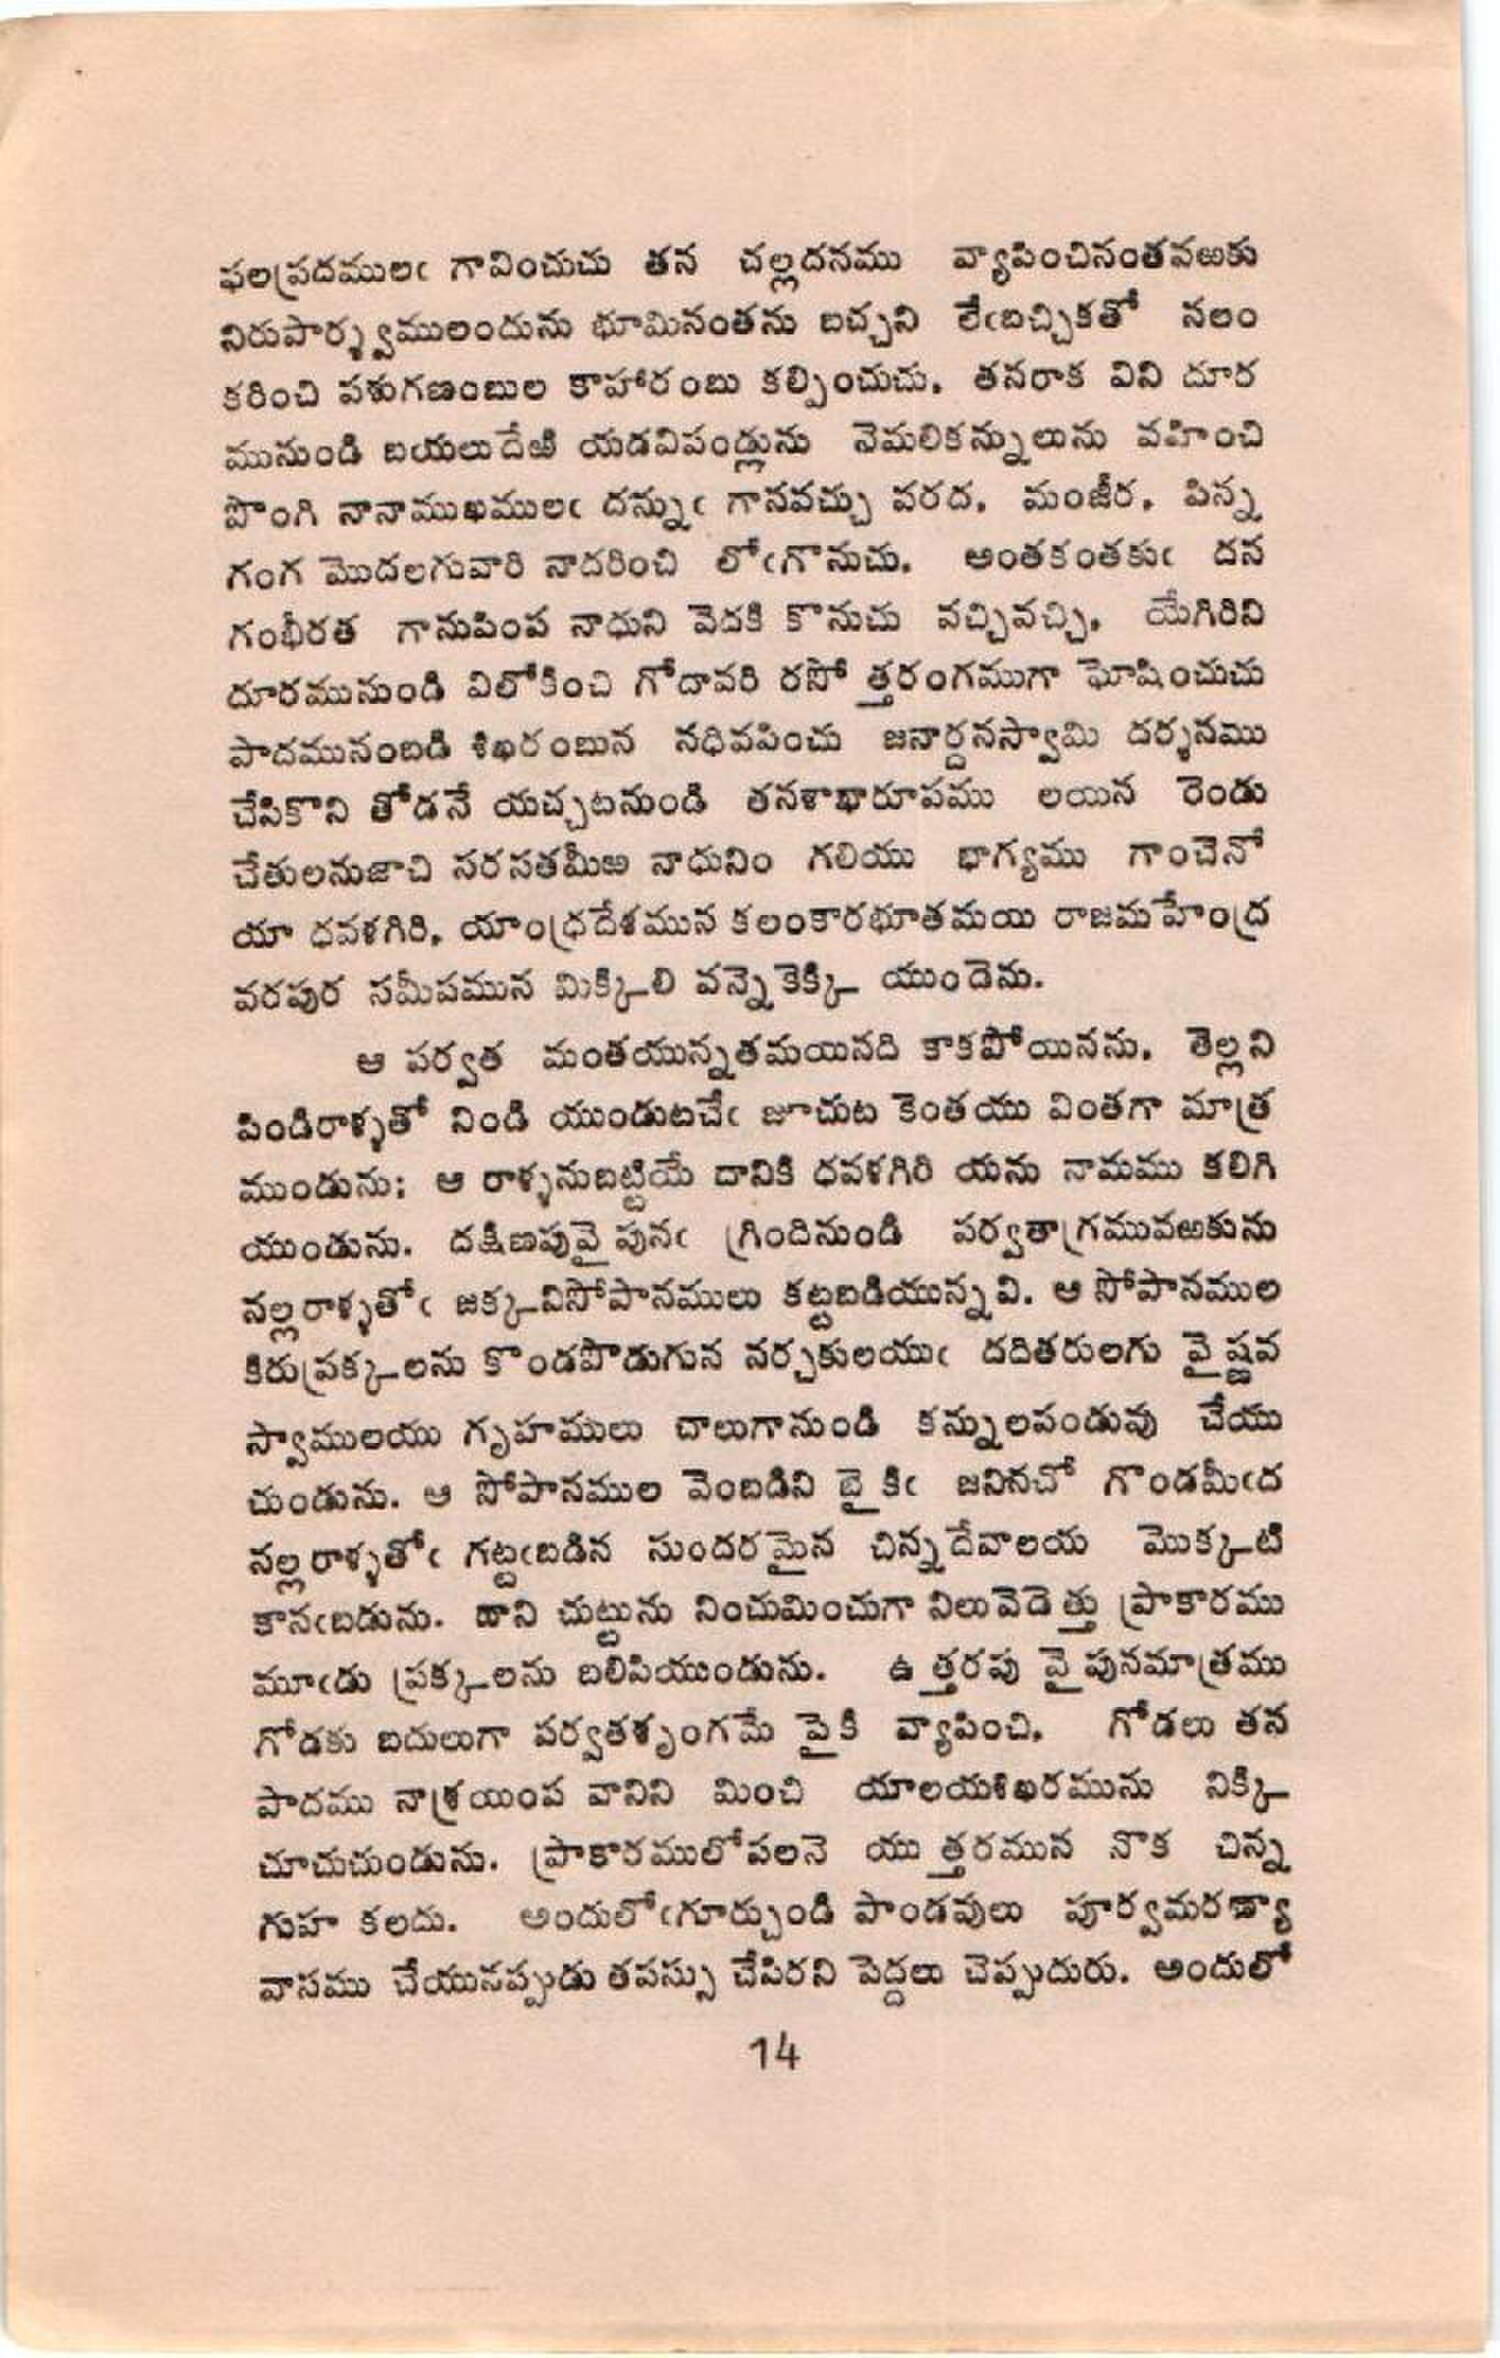ఫలప్రదములఁ గావించుచు తన చల్లదనము వ్యాపించినంత వఱకు నిరుపార్శ్వములందును భూమినంతను బచ్చని లేఁబచ్చికతో నలంకరించి పశుగణంబుల కాహారంబు కల్పించుచు, తనరాక విని దూర మునుండి బయలుదేఱి యడవిపండ్లను నెమలికన్నులును వహించి పొంగి నానా ముఖములఁ దన్నుఁ గానవచ్చు వరద, మంజీర, పిన్న గంగ మొదలగువారి నాదరించి లోఁగొనుచు, అంతకంతకుఁ దన గంభీరత గానుపింప నాధుని వెదకి కొనుచు వచ్చివచ్చి, యేగిరిని దూరమునుండి విలోకించి గోదావరి రసోత్తరంగముగా ఘోషించుచు పాదమునంబడి శిఖరంబున నధివసించు జనార్ధనస్వామి దర్శనము చేసుకొని తోడనే యచ్చటనుండి తనశాఖారూపము లయిన రెండు చేతులను జాచి సరసతమీఱ నాధునిం గలియు భాగ్యము గాంచెనో యా ధవళగిరి, యాంధ్రదేశమున కలంకారభూతమయి రాజమహేంద్ర వరపుర సమీపమున మిక్కిలి వన్నెకెక్కి యుండెను.

ఆ పర్వత మంతయున్నతమయినది కాకపోయినను, తెల్లని పిండి రాళ్ళతో నిండి యుండుటచేఁ జూచుట కెంతయు వింతగా మాత్ర ముండును; ఆ రాళ్ళనుబట్టియే దానికి ధవళగిరి యను నామము కలిగి యుండును. దక్షిణపువై పునఁ గ్రిందినుండి పర్వతాగ్రమువఱకును నల్లరాళ్ళతోఁ జక్కనిసోపానములు కట్టబడియున్నవి. ఆ సోపానముల
కిరుప్రక్కలను కొండపొడుగున నర్చకులయుఁ దదితరులగు వైష్ణవ స్వాములయు గృహములు చాలుగానుండి కన్నులపండువు చేయు చుండును. ఆ సోపానముల వెంబడిని బైకిఁ జనినచో గొండమీఁద నల్లరాళ్ళతోఁ గట్టఁబడిన సుందరమైన చిన్నదేవాలయ మొక్కటి కానఁబడును. దాని చుట్టును నించుమించుగా నిలువెడెత్తు ప్రాకారము మూఁడు ప్రక్కలను బలిసియుండును. ఉత్తరపు వైపునమాత్రము గోడకు బదులుగా పర్వతశృంగమే పైకి వ్యాపించి, గోడలు తన పాదము నాశ్రయింప వానిని మించి యాలయశిఖరమును నిక్కి చూచుచుండును. ప్రాకారములోపలనె యుత్తరమున నొక చిన్న గుహ కలదు. అందులోఁగూర్చుండి పాండవులు పూర్వమరణ్యా వాసము చేయునప్పుడు తపస్సు చేసిరని పెద్దలు చెప్పుదురు. అందులో